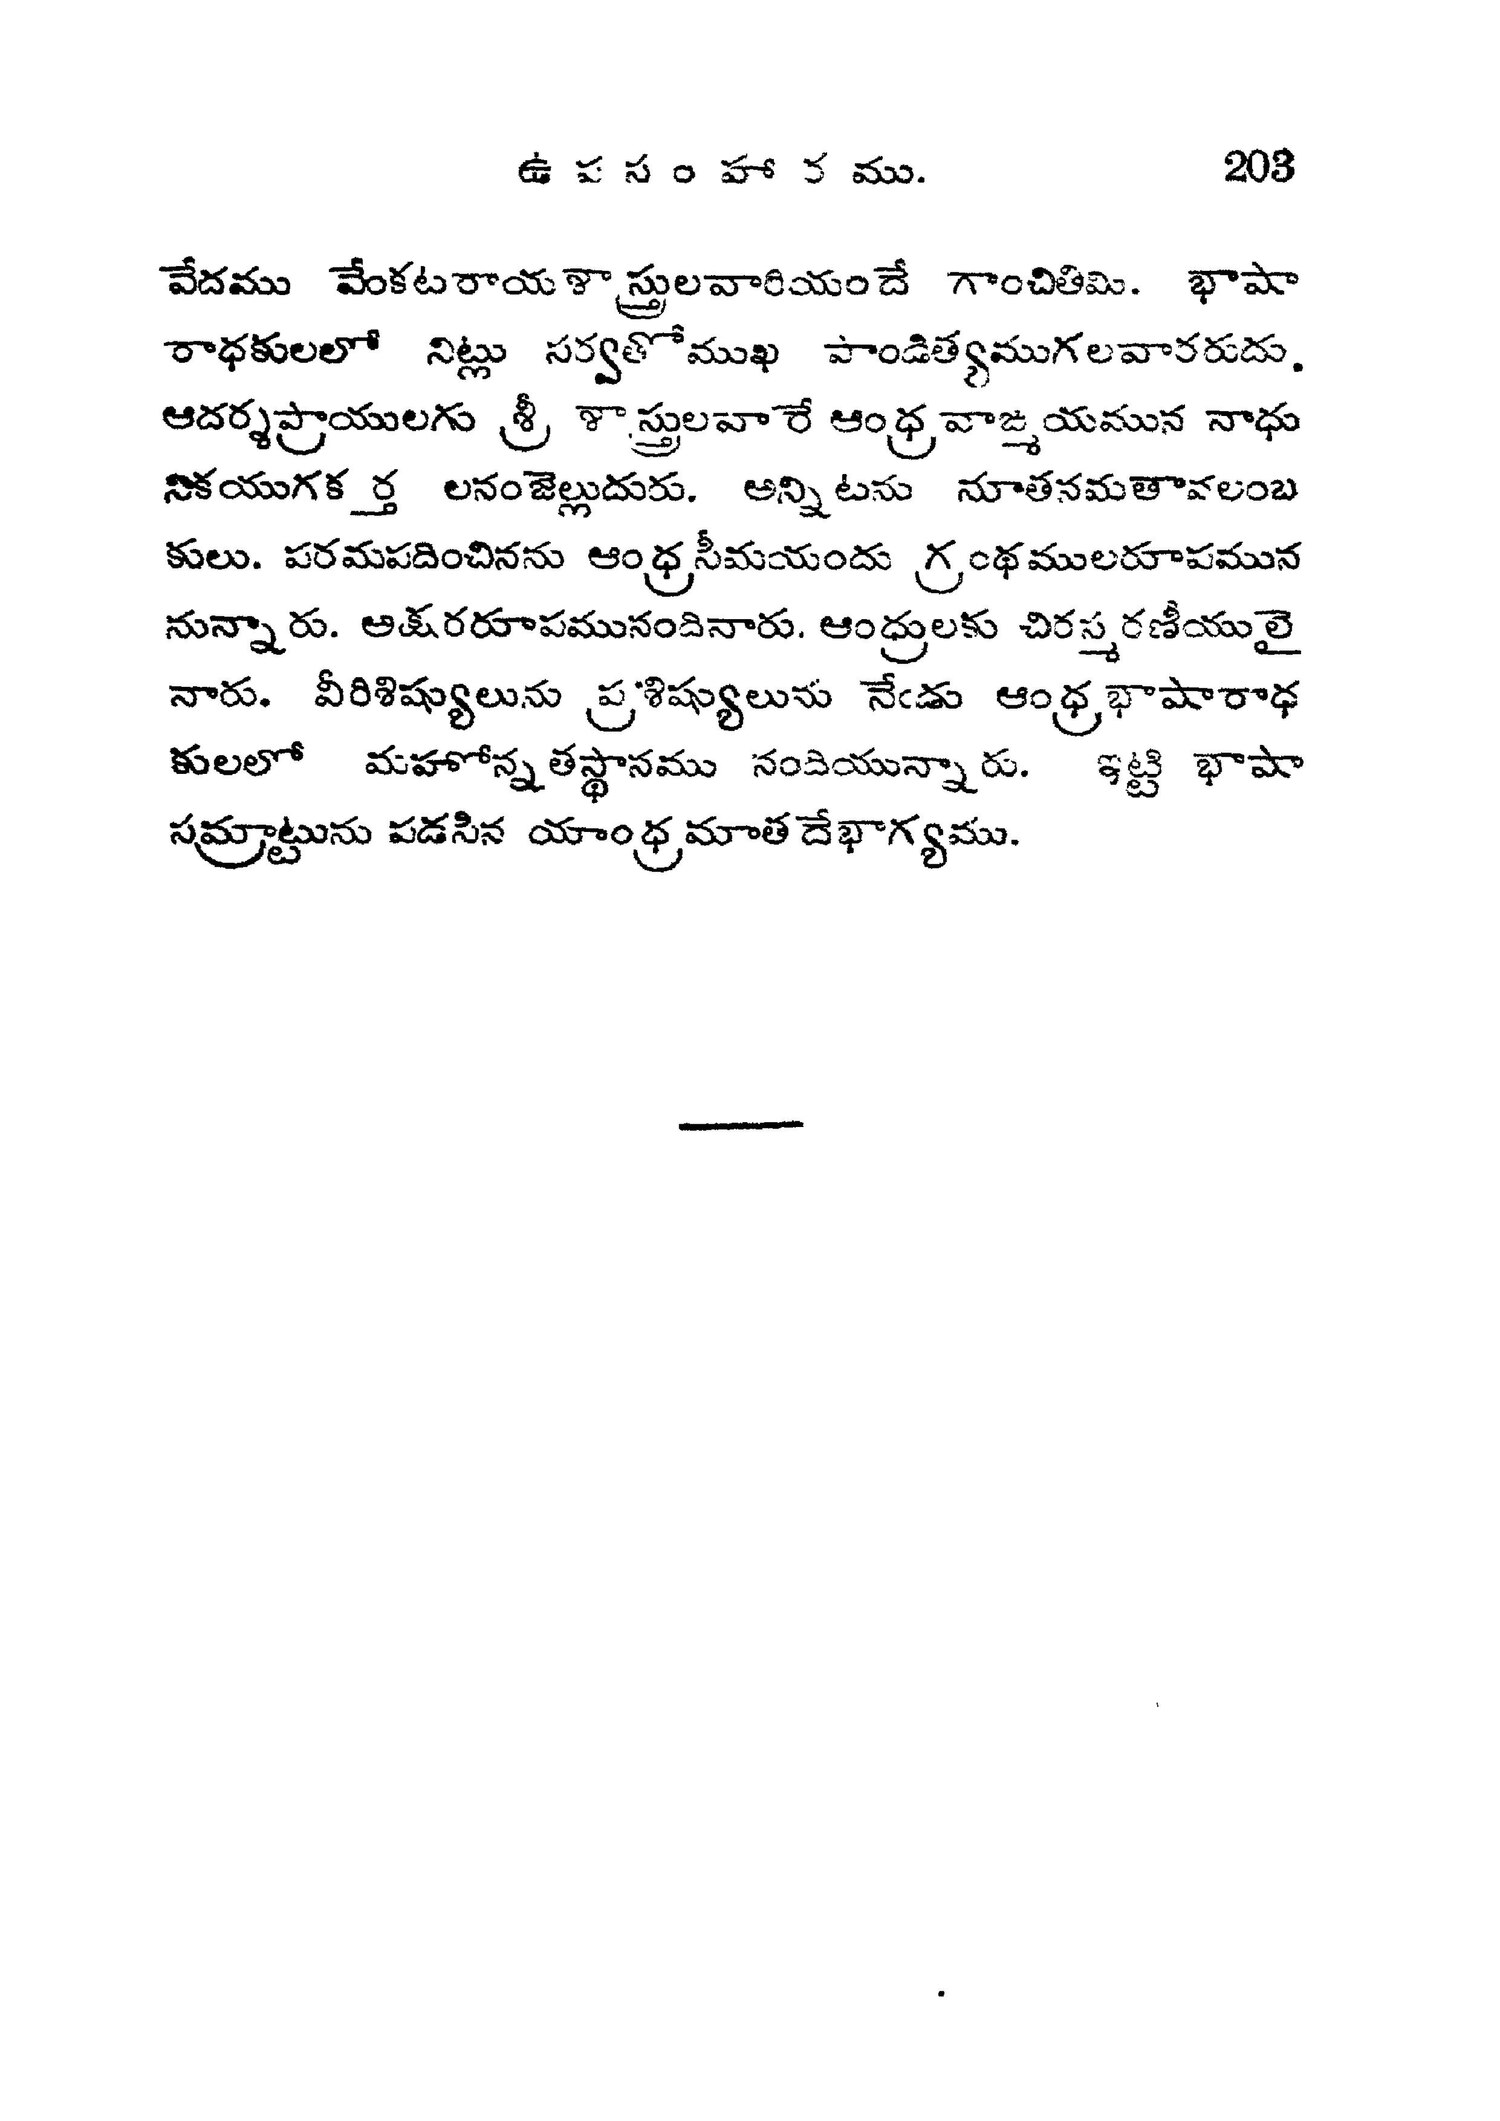వేదము వేంకటరాయశాస్త్రులవారి యందే గాంచితిమి. భాషారాధకులలో నిట్లు సర్వతోముఖ పాండిత్యము గలవారరుదు. ఆదర్శప్రాయులగు శ్రీ శాస్త్రులవారే ఆంధ్రవాఙ్మయమున నాధునికయుగకర్త లనంజెల్లుదురు. అన్నిటను నూతన మతావలంబకులు. పరమపదించినను ఆంధ్రసీమయందు గ్రంథములరూపమున నున్నారు. అక్షరరూపము నందినారు. ఆంధ్రులకు చిరస్మరణీయులైనారు. వీరిశిష్యులును ప్రశిష్యులును నేడు ఆంధ్రభాషారాధకులలో మహోన్నతస్థానము నందియున్నారు. ఇట్టి భాషా సమ్రాట్టును పడసిన యాంధ్రమాతదేభాగ్యము.

___________